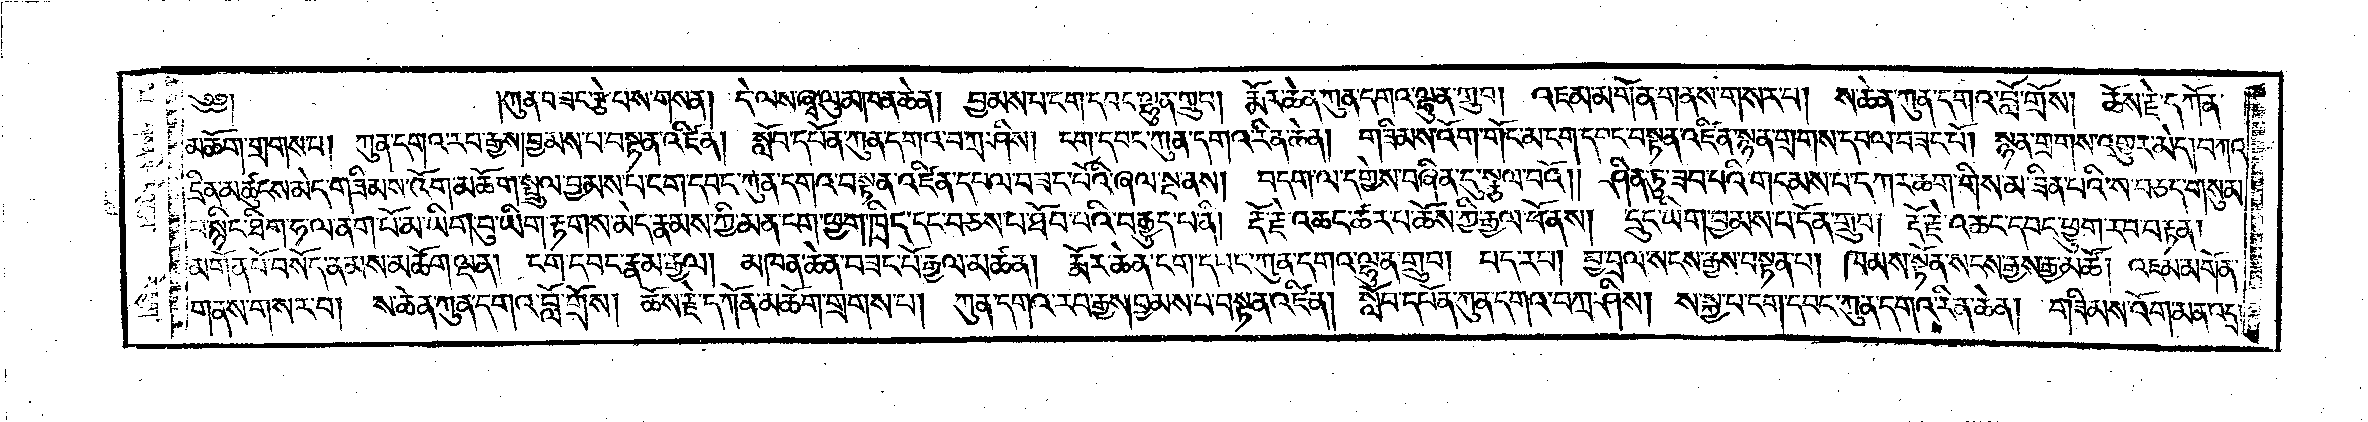༄༅། །ཀུན་བཟང་རྩེ་བས་གསན། དེ་ལས་ཞྭ་ལུ་མཁན་ཆེན། བྱམས་པ་ངག་དབང་ལྷུན་གྲུབ། རྨོར་ཆེན་ཀུན་དགའ་ལྷུན་གྲུབ། འཇམ་མགོན་གནས་གསར་པ། ས་ཆེན་ཀུན་དགའ་བློ་གྲོས། ཆོས་རྗེ་དཀོན་
མཆོག་གྲགས་པ། ཀུན་དགའ་རབ་རྒྱས། བྱམས་པ་བསྟན་འཛིན། སློབ་དཔོན་ཀུན་དགའ་བཀྲ་ཤིས། ངག་དབང་ཀུན་དགའ་རིན་ཆེན། གཟིམས་འོག་གོང་མ་ངག་དབང་བསྟན་འཛིན་སྙན་གྲགས་དཔལ་བཟང་པོ། སྙན་གྲགས་འགྱུར་མེད། བཀའ་
དྲིན་མཚུངས་མེད་གཟིམས་འོག་མཆོག་སྤྲུལ་བྱམས་པ་ངག་དབང་ཀུན་དགའ་བསྟན་འཛིན་དཔལ་བཟང་པོའི་ཞལ་སྔ་ནས། བདག་ལ་དགྱེས་བཞིན་དུ་སྩལ་བའོ།། ཤིན་ཏུ་ཟབ་པའི་གདམས་པ་དཀར་ཆག་གིས་མ་ཟིན་པའི་ས་བཅད་གསུམ་
པ་སྙིང་ཐིག་ཧ་ལ་ནག་པོ་མ་ཡིག་བུ་ཡིག་རྟགས་མེད་རྣམས་ཀྱི་མན་ངག་ཕྱག་ཁྲིད་དང་བཅས་པ་ཐོབ་པའི་བརྒྱུད་པ་ནི། རྡོ་རྗེ་འཆང་ཚར་པ་ཆོས་ཀྱི་རྒྱལ་པོ་ནས། དྲུང་ཡིག་བྱམས་པ་དོན་གྲུབ། རྡོ་རྗེ་འཆང་དབང་ཕྱུག་རབ་བརྟན།
མགོན་པོ་བསོད་ནམས་མཆོག་ལྡན། ངག་དབང་རྣམ་རྒྱལ། མཁན་ཆེན་བཟང་པོ་རྒྱལ་མཚན། རྨོར་ཆེན་ངག་དབང་ཀུན་དགའ་ལྷུན་གྲུབ། པད་རབ། བྱ་བྲལ་སངས་རྒྱས་བསྟན་པ། ཁམས་སྟོན་སངས་རྒྱས་རྒྱ་མཚོ། འཇམ་མགོན་
གནས་གསར་པ། ས་ཆེན་ཀུན་དགའ་བློ་གྲོས། ཆོས་རྗེ་དཀོན་མཆོག་གྲགས་པ། ཀུན་དགའ་རབ་རྒྱས། བྱམས་པ་བསྟན་འཛིན། སློབ་དཔོན་ཀུན་དགའ་བཀྲ་ཤིས། ས་སྐྱ་པ་ངག་དབང་ཀུན་དགའ་རིན་ཆེན། གཟིམས་འོག་མན་འདྲ་